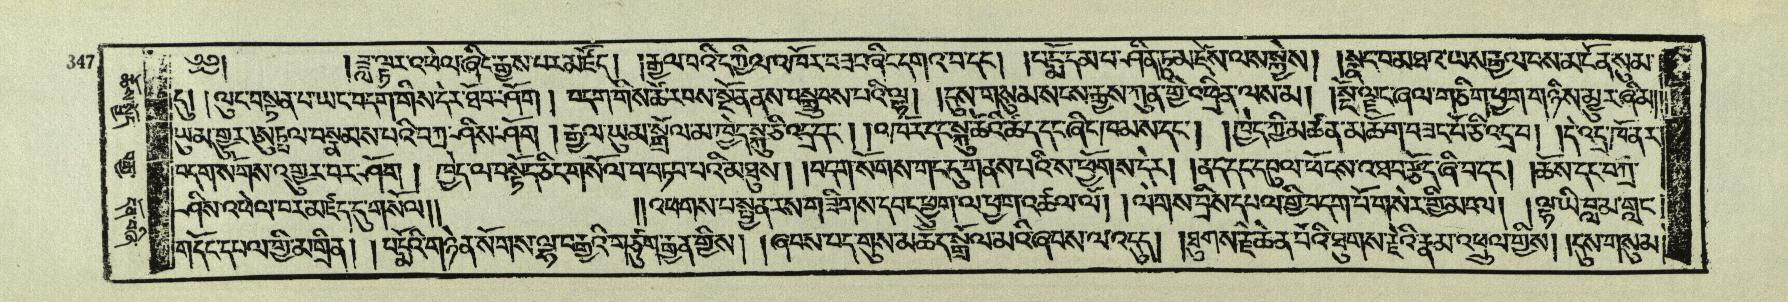༄༅། །ཟླ་ལྟར་འཕེལ་ཞིང་རྒྱས་པར་མཛོད། །རྒྱལ་བའི་དཀྱིལ་འཁོར་བཟང་ཞིང་དགའ་བ་དང་། །པདམོ་དམ་པ་ཤིན་ཏུ་མཛེས་ལས་སྐྱེས། །སྣང་བ་མཐའ་ཡས་རྒྱལ་བས་མངོན་སུམ་
དུ། །ལུང་བསྟན་པ་ཡང་བདག་གིས་དེར་ཐོབ་ཤོག །བདག་གིས་ཚེ་རབས་སྔོན་ནས་བསྒྲུབས་པའི་ལྷ། །དུས་གསུམ་སངས་རྒྱས་ཀུན་གྱི་འཕྲིན་ལས་མ། །སྔོ་ལྗང་ཞལ་གཅིག་ཕྱག་གཉིས་མྱུར་ཞི་མ། །
ཡུམ་གྱུར་ཨུཏྤལ་བསྣམས་པའི་བཀྲ་ཤིས་ཤོག །རྒྱལ་ཡུམ་སྒྲོལ་མ་ཁྱེད་སྐུ་ཅི་འདྲ་དང་། །འཁོར་དང་སྐུ་ཚེའི་ཚད་དང་ཞིང་ཁམས་དང་། །ཁྱེད་ཀྱི་མཚན་མཆོག་བཟང་པོ་ཅི་འདྲ་བ། །དེ་འདྲ་ཁོ་ནར་
བདག་སོགས་འགྱུར་བར་ཤོག །ཁྱེད་ལ་བསྟོད་ཅིང་གསོལ་བ་བཏབ་པའི་མཐུས། །བདག་སོགས་གང་དུ་གནས་པའི་ས་ཕྱོགས་དེར། །ནད་དང་དབུལ་ཕོངས་འཐབ་རྩོད་ཞི་བ་དང་། །ཆོས་དང་བཀྲི་
ཤིས་འཕེལ་བར་མཛད་དུ་གསོལ།། །།འཕགས་པ་སྤྱན་རས་གཟིགས་དབང་ཕྱུག་ལ་ཕྱག་འཚལ་ལོ། །ལེགས་བྲིས་དཔལ་གྱི་བདག་པོ་གསེར་གྱི་མངལ། །ལྷ་ཡི་བླ་མ་གླང་
གདོང་དཔལ་གྱི་མགྲིན། །པདམོའི་གཉེན་སོགས་ལྷ་བརྒྱའི་གཙུག་རྒྱན་གྱིས། །ཞབས་པད་གུས་མཆོད་སྒྲོལ་མའི་ཞབས་ལ་འདུད། །ཐུགས་རྗེ་ཆེན་པོའི་ཐུགས་རྗེའི་རྣམ་འཕྲུལ་གྱིས། །དུས་གསུམ་